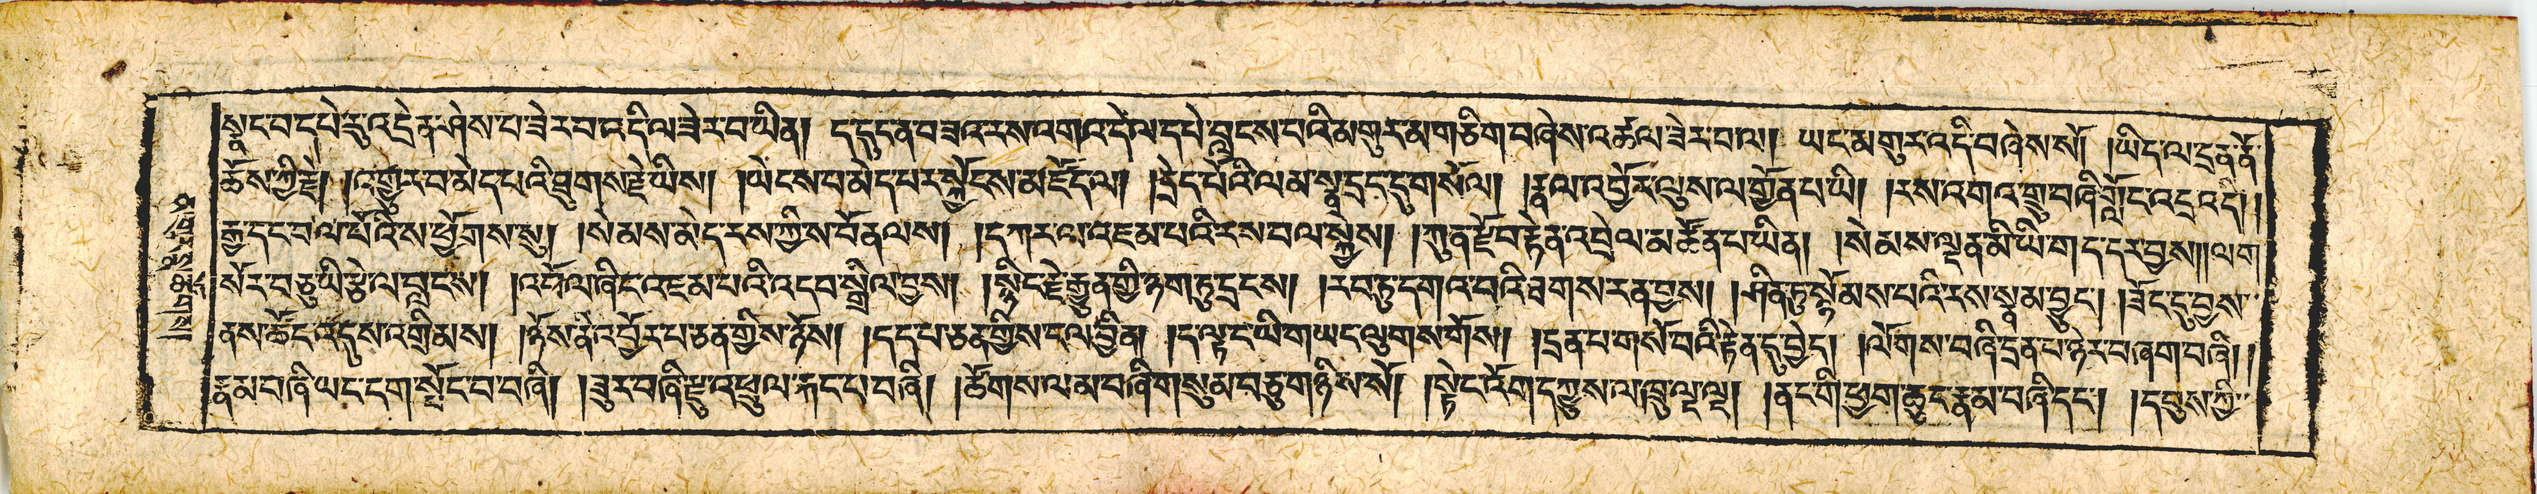སྣང་བ་དཔེ་རུ་འདྲེན་ཤེས་པ་ཟེར་བ་འདི་ལ་ཟེར་བ་ཡིན། ད་དུང་ན་བཟའ་རེས་འགའ་དེ་ལ་དཔེ་བླངས་པའི་མགུར་མ་གཅིག་བཞེས་འཚལ་ཟེར་བ་ལ། ཡང་མགུར་འདི་བཞེས་སོ། །ཡིད་ལ་དྲན་ནོ་
ཆོས་ཀྱི་རྗེ། །འགྱུར་བ་མེད་པའི་ཐུགས་རྗེ་ཡིས། །ཡེངས་པ་མེད་པར་སྐྱོངས་མཛོད་ལ། །དྲེད་པོའི་ལམ་སྣ་དྲང་དུ་གསོལ། །རྣལ་འབྱོར་ལུས་ལ་གྱོན་པ་ཡི། །རས་འགའ་གྲུ་བཞི་གློང་འདྲ་འདི། 
རྒྱ་དང་བལ་པོའི་ས་ཕྱོགས་སུ། །སེམས་མེད་རས་ཀྱི་ས་བོན་ལས། །དཀར་ལ་འཇམ་པའི་རས་བལ་སྐྱེས། །ཀུན་རྫོབ་རྟེན་འབྲེལ་མཚོན་པ་ཡིན། །སེམས་ལྡན་མི་ཡི་གད་དར་བྱས། །ལག་
སོར་བཅུ་ཡི་རྩེ་ལ་བླངས། །འབོལ་ཞིང་འཇམ་པའི་འདབ་སྒྲིལ་བྱས། །སྙིང་རྗེ་རྒྱུན་གྱི་རྟག་ཏུ་དྲངས། །རབ་ཏུ་དགའ་བའི་ཐགས་རན་བྱས། །ཤིན་ཏུ་སྙོམས་པའི་རས་སྣམ་བྱུང་། །ཟོང་དུ་བྱས་
ནས་ཚོང་འདུས་འགྲིམས། །ཉོས་ནི་འབྱོར་པ་ཅན་གྱིས་ཉོས། །དད་པ་ཅན་གྱིས་ང་ལ་བྱིན། །ད་ལྟ་ང་ལི་གཡང་ལུགས་གོས། །དྲན་པ་གསོ་བའི་རྟེན་དུ་བྱེད། །ལོགས་བཞི་དྲན་པ་ཉེར་བཞག་བཞི། །
རྣམ་བཞི་ཡང་དག་སྤོང་བ་བཞི། །ཟུར་བཞི་རྫུ་འཕྲུལ་རྐང་པ་བཞི། །ཚོགས་ལམ་བཞི་གསུམ་བཅུ་གཉིས་སོ། །སྟེང་འོག་དཀྱུས་ལ་ཁྲུ་ལྔ་ལྔ། །ནང་གི་ཕྱག་ཆུང་རྣམ་བཞི་དང་། །དབུས་ཀྱི་